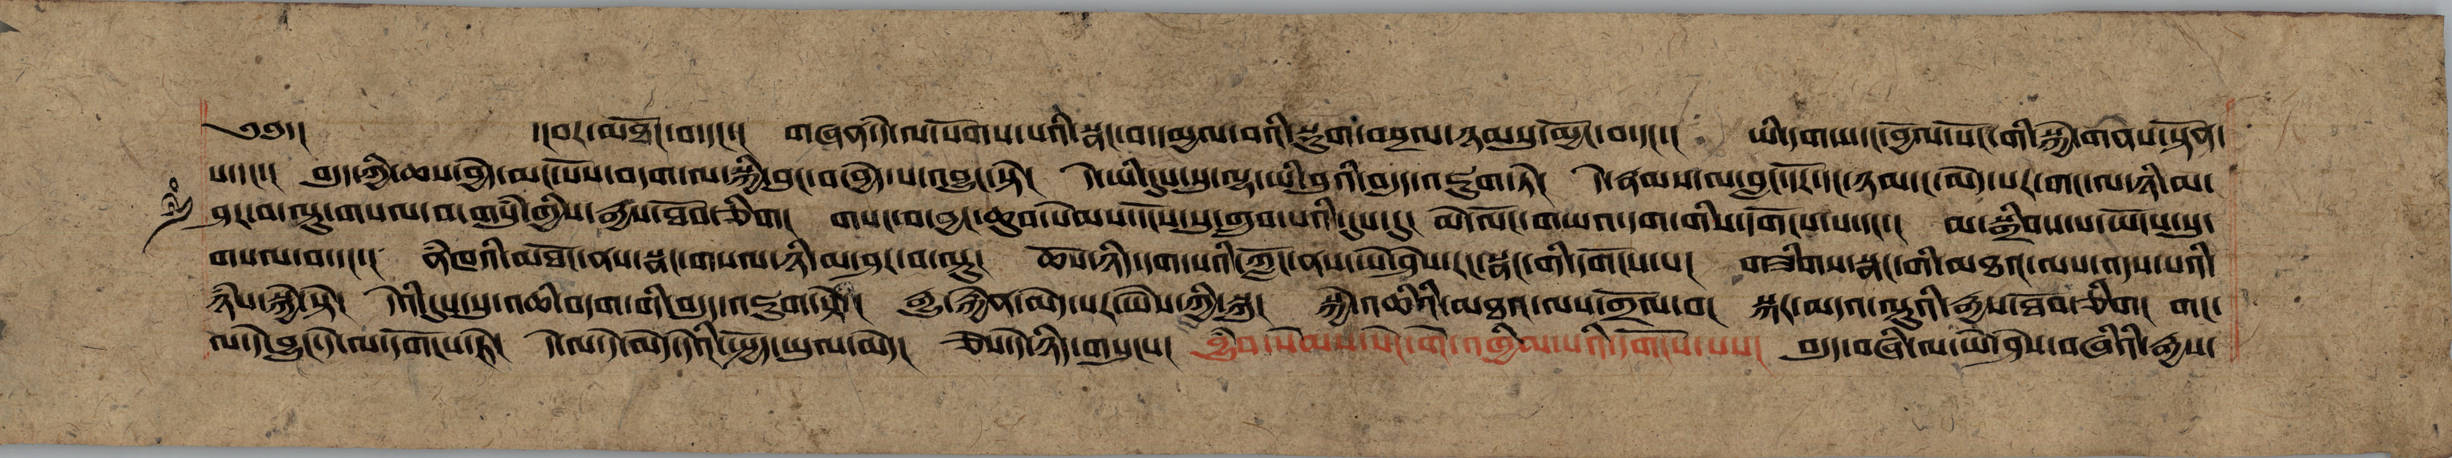༄༅་། ་།བར་མཐོང་བ་དང་། གཞན་དེ་ལ་སོགས་པའི་སྣང་བ་དམྱལ་བའི་སྡུག་བསྔལ་ཉམསུ་མྱོང་བ་དང་། ཡི་དགས་དང་བྱོལ་སོང་གི་སྐྱེ་གནས་སྟོན་
པ་དང་། བདུད་ཀྱི་ཆས་བྱེད་མང་པོས་བདག་ལ་སྐྱི་བུང་བ་བྱེད་པ་འབྱུང་སྟེ་། དེ་ཡི་དུས་སུ་ལྷ་ཡི་བུའི་བདུད་འཇུག་ཏེ། དེ་རྣམས་ལ་བླང་དོར་དང་ཉམ་ང་མེད་པར་གང་ལ་ཉི་མ་
ཤར་བ་ལྟུ་གསལ་བ་གསུཾ་གྱིས་རྒྱས་ཐོབ་ཅིག། གསང་བ་བྱང་ཆུབ་སེམས་དངོས་སུ་གྲུབ་པའི་དུས་དུ། མེ་ལོང་གཡའ་དག་གིས་དགོངས་པ་དང་། མ་སྒྲིབས་ས་ཡོངས་སུ་
གསལ་བ་དང་། ནཾཁའི་མཐོང་ནས་སྣང་གསལ་ཉི་མ་ཤར་བ་ལྟུ། ཆོས་ཉིད་དག་པའི་ཀློང་ནས་ཡེ་ཤེས་རང་སྣང་གི་དགོངས་པ། གཟིགས་སྣང་གི་མཐའ་ལས་འདས་པའི་
ཉཾས་སྐྱེ་སྟེ། དེའི་དུས་སུ་འཆི་བདག་གི་བདུད་འཇུག་སྟེ་། རྒྱུ་རྐྱེན་མེད་པར་ཡཻས་ཀྱི་སྐུ། སྐྱེ་འཆིའི་མཐའ་ལས་གྲོལ་བ། སྐར་མདའ་ལྟུའི་རྒྱས་ཐོབ་ཅིག། གང་
ལ་དེ་བྱུང་དེ་ལ་དགོངས་ཏེ། དེ་ལ་དེ་མེད་དེའི་སྤྱོད་ཡུལ་མེད་། ཅེས་དེ་ཉིད་གསུངས། བྱུཾབ་སེམས་སེང་གེ་འཁྱིལ་པའི་དགོངས་པས། བདུད་བཞི་ལ་ཡེ་ཤེས་བཞིའི་རྒྱས་